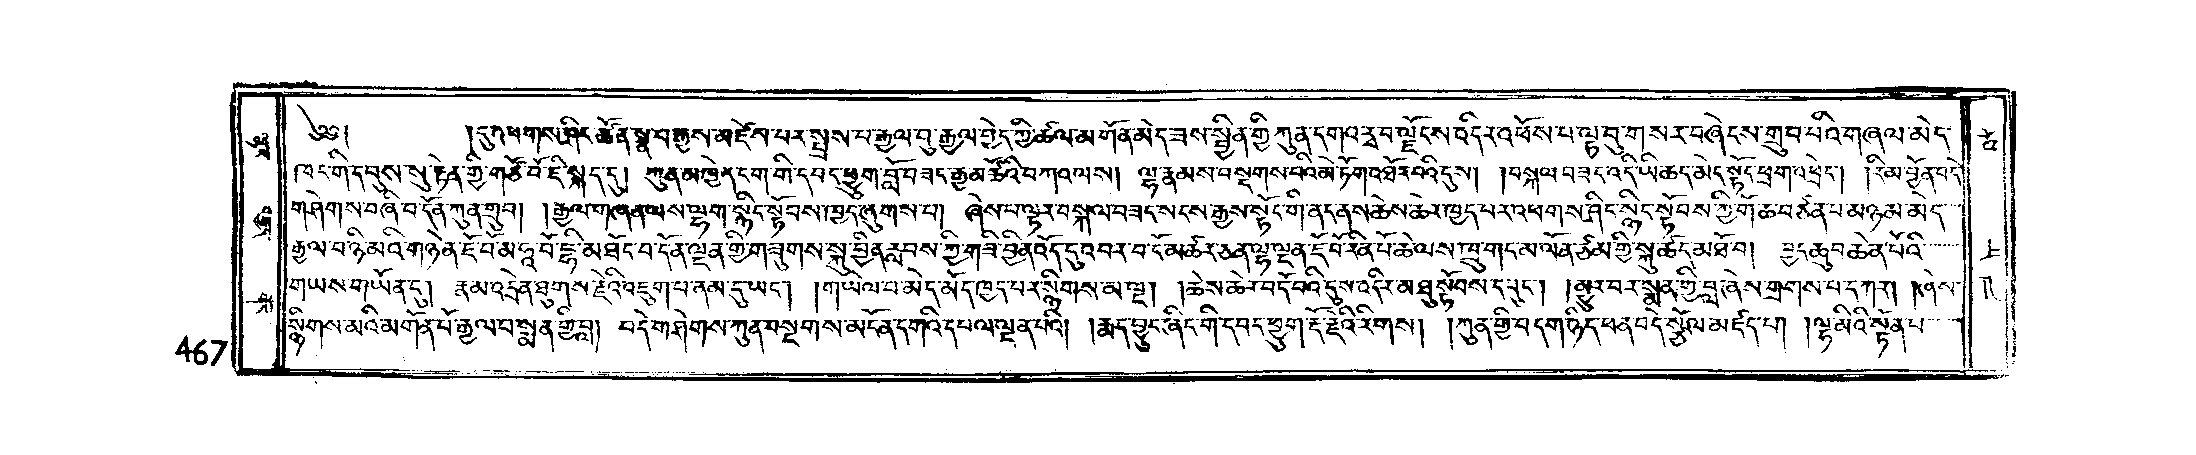༄༅། །དུ་འཕགས་ཤིང་ཚོན་སྣ་བརྒྱས་མཛེས་པར་སྤྲས་པ་རྒྱལ་བུ་རྒྱལ་བྱེད་ཀྱི་ཚལ་མགོན་མེད་ཟས་སྦྱིན་གྱི་ཀུན་དགའ་རྭ་བ་ལྗོངས་འདིར་འཕོས་པ་ལྟ་བུ་གསར་བཞེངས་གྲུབ་པའི་གཞལ་མེད་
ཁང་གི་དབུས་སུ་རྟེན་གྱི་གཙོ་བོ་ཇི་སྐད་དུ། ཀུན་མཁྱེན་ངག་གི་དབང་ཕྱུག་བློ་བཟང་རྒྱ་མཚོའི་བཀའ་ལས། ལྷ་རྣམས་བསྔགས་པའི་མེ་ཏོག་འཐོར་བའི་དུས། །བསྐལ་བཟང་འདི་ཡི་ཆད་མེད་སྟོང་ཕྲག་འཕྲེང་། །རིམ་བྱོན་བདེ་
གཤེགས་བཞི་བ་དོན་ཀུན་གྲུབ། །རྒྱལ་གཞན་ལས་ལྷག་སྙིང་སྟོབས་ཁྱད་ཞུགས་པ། ཞེས་པ་ལྟར་བསྐལ་བཟང་སངས་རྒྱས་སྟོང་གི་ནང་ནས་ཆེས་ཆེར་ཁྱད་པར་འཕགས་ཤིང་སྙིང་སྟོབས་ཀྱི་གོ་ཆ་བཙན་པ་མཉམ་མེད་
རྒྱལ་བ་ཉི་མའི་གཉེན་ཇོ་བོ་མ་ཧཱ་བོ་དྷི་མཐོང་བ་དོན་ལྡན་གྱི་གཟུགས་སྐུ་བྱིན་རླབས་ཀྱི་གཟི་བྱིན་འོད་དུ་འབར་བ་ངོ་མཚར་ཅན་ལྷ་ལྡན་ཇོ་བོ་རིན་པོ་ཆེ་ལས་ཁྲུ་གང་མ་ལོན་ཙམ་གྱི་སྐུ་ཚད་མཐོ་བ། བྱང་ཆུབ་ཆེན་པོའི་
གཡས་གཡོན་དུ། རྣམ་འདྲེན་ཐུགས་རྗེའི་འཇུག་པ་ནམ་དུ་ཡང་། །གཡེལ་བ་མེད་མོད་ཁྱད་པར་སྙིགས་མ་ལྔ། །ཆེས་ཆེར་བདོ་བའི་དུས་འདིར་མཐུ་སྟོབས་དཔུང་། །མྱུར་བར་སྨན་གྱི་བླ་ཞེས་གྲགས་པ་དཀར། །ཞེས་
སྙིགས་མའི་མགོན་པོ་རྒྱལ་བ་སྨན་གྱི་བླ། བདེ་གཤེགས་ཀུན་བསྔགས་མངོན་དགའི་དཔལ་ལྡན་པའི། །རྨད་བྱུང་ཞིང་གི་དབང་ཕྱུག་རྡོ་རྗེའི་རིགས། །ཀུན་གྱི་བདག་ཉིད་ཕན་བདེ་སྩོལ་མཛད་པ། །ལྷ་མིའི་སྟོན་པ་